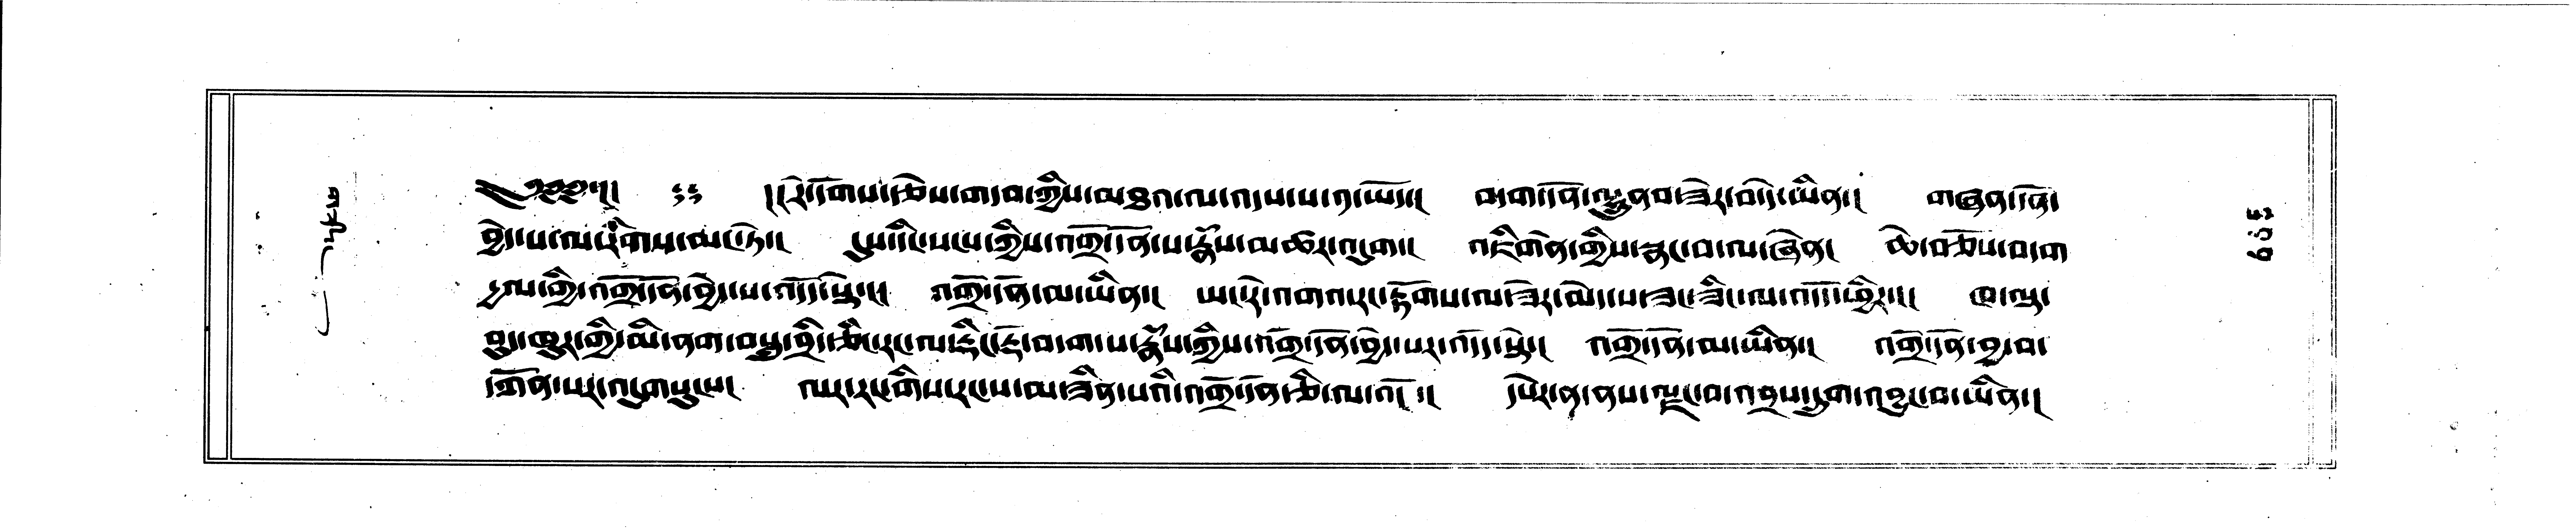རེ་དོག་རྩིས་རྡབ་ཀྱི་ཕྱིར་མཐའ་ལས་འདས་པ་གཅིག་ཡོད། བདག་དོན་ལྷུན་གྲུབ་ཟེར་བ་དེ་ཡིན། གཞན་དོན་
བྱེད་པ་ལ་ཡང་རིགས་མང་སྟེ། དུས་དེང་སང་ཀྱི་འགྲོ་དོན་པ་རྣམས་ཚར་འདུག འཇིག་རྟེན་གྱི་སྣང་བ་ལ་ཞེན། ཆེ་བཅོས་བདག་
རྒྱལ་གྱི་འགྲོ་དོན་བྱེད་པར་འདོད་སྟེ། འགྲོ་དོན་མ་ཡིན། ཡང་རེ་གྷས་(འགས)་རང་རྟོག་ལ་མེད་པར་ཟང་ཟིང་འདོད་ཕྱིར། ཁ་ལྟ་
བུ་ཁུར་གྱིས་མི་ནག་བསླུ་བྲིད་བྱེད་ཅིང་། རང་ལ་རྟིང་རྡོ་བཏག་པ་རྣམས་ཀྱི་འགྲོ་དོན་བྱེད་པར་འདོད་སྟེ། འགྲོ་དོན་མ་ཡིན། འགྲོ་དོན་བྱ་བ་
དཀོན་པར་འདུག་གསུངས། ལར་རང་གི་རང་ས་མ་ཟིན་པའི་འགྲོ་དོན་ཅི་ལ་འོང། དཔེར་ན་ནས་ལྗང་བུ་རྒས་ཙམ་འབྲས་དྲུག་འབྱུང་བ་ཡིན།